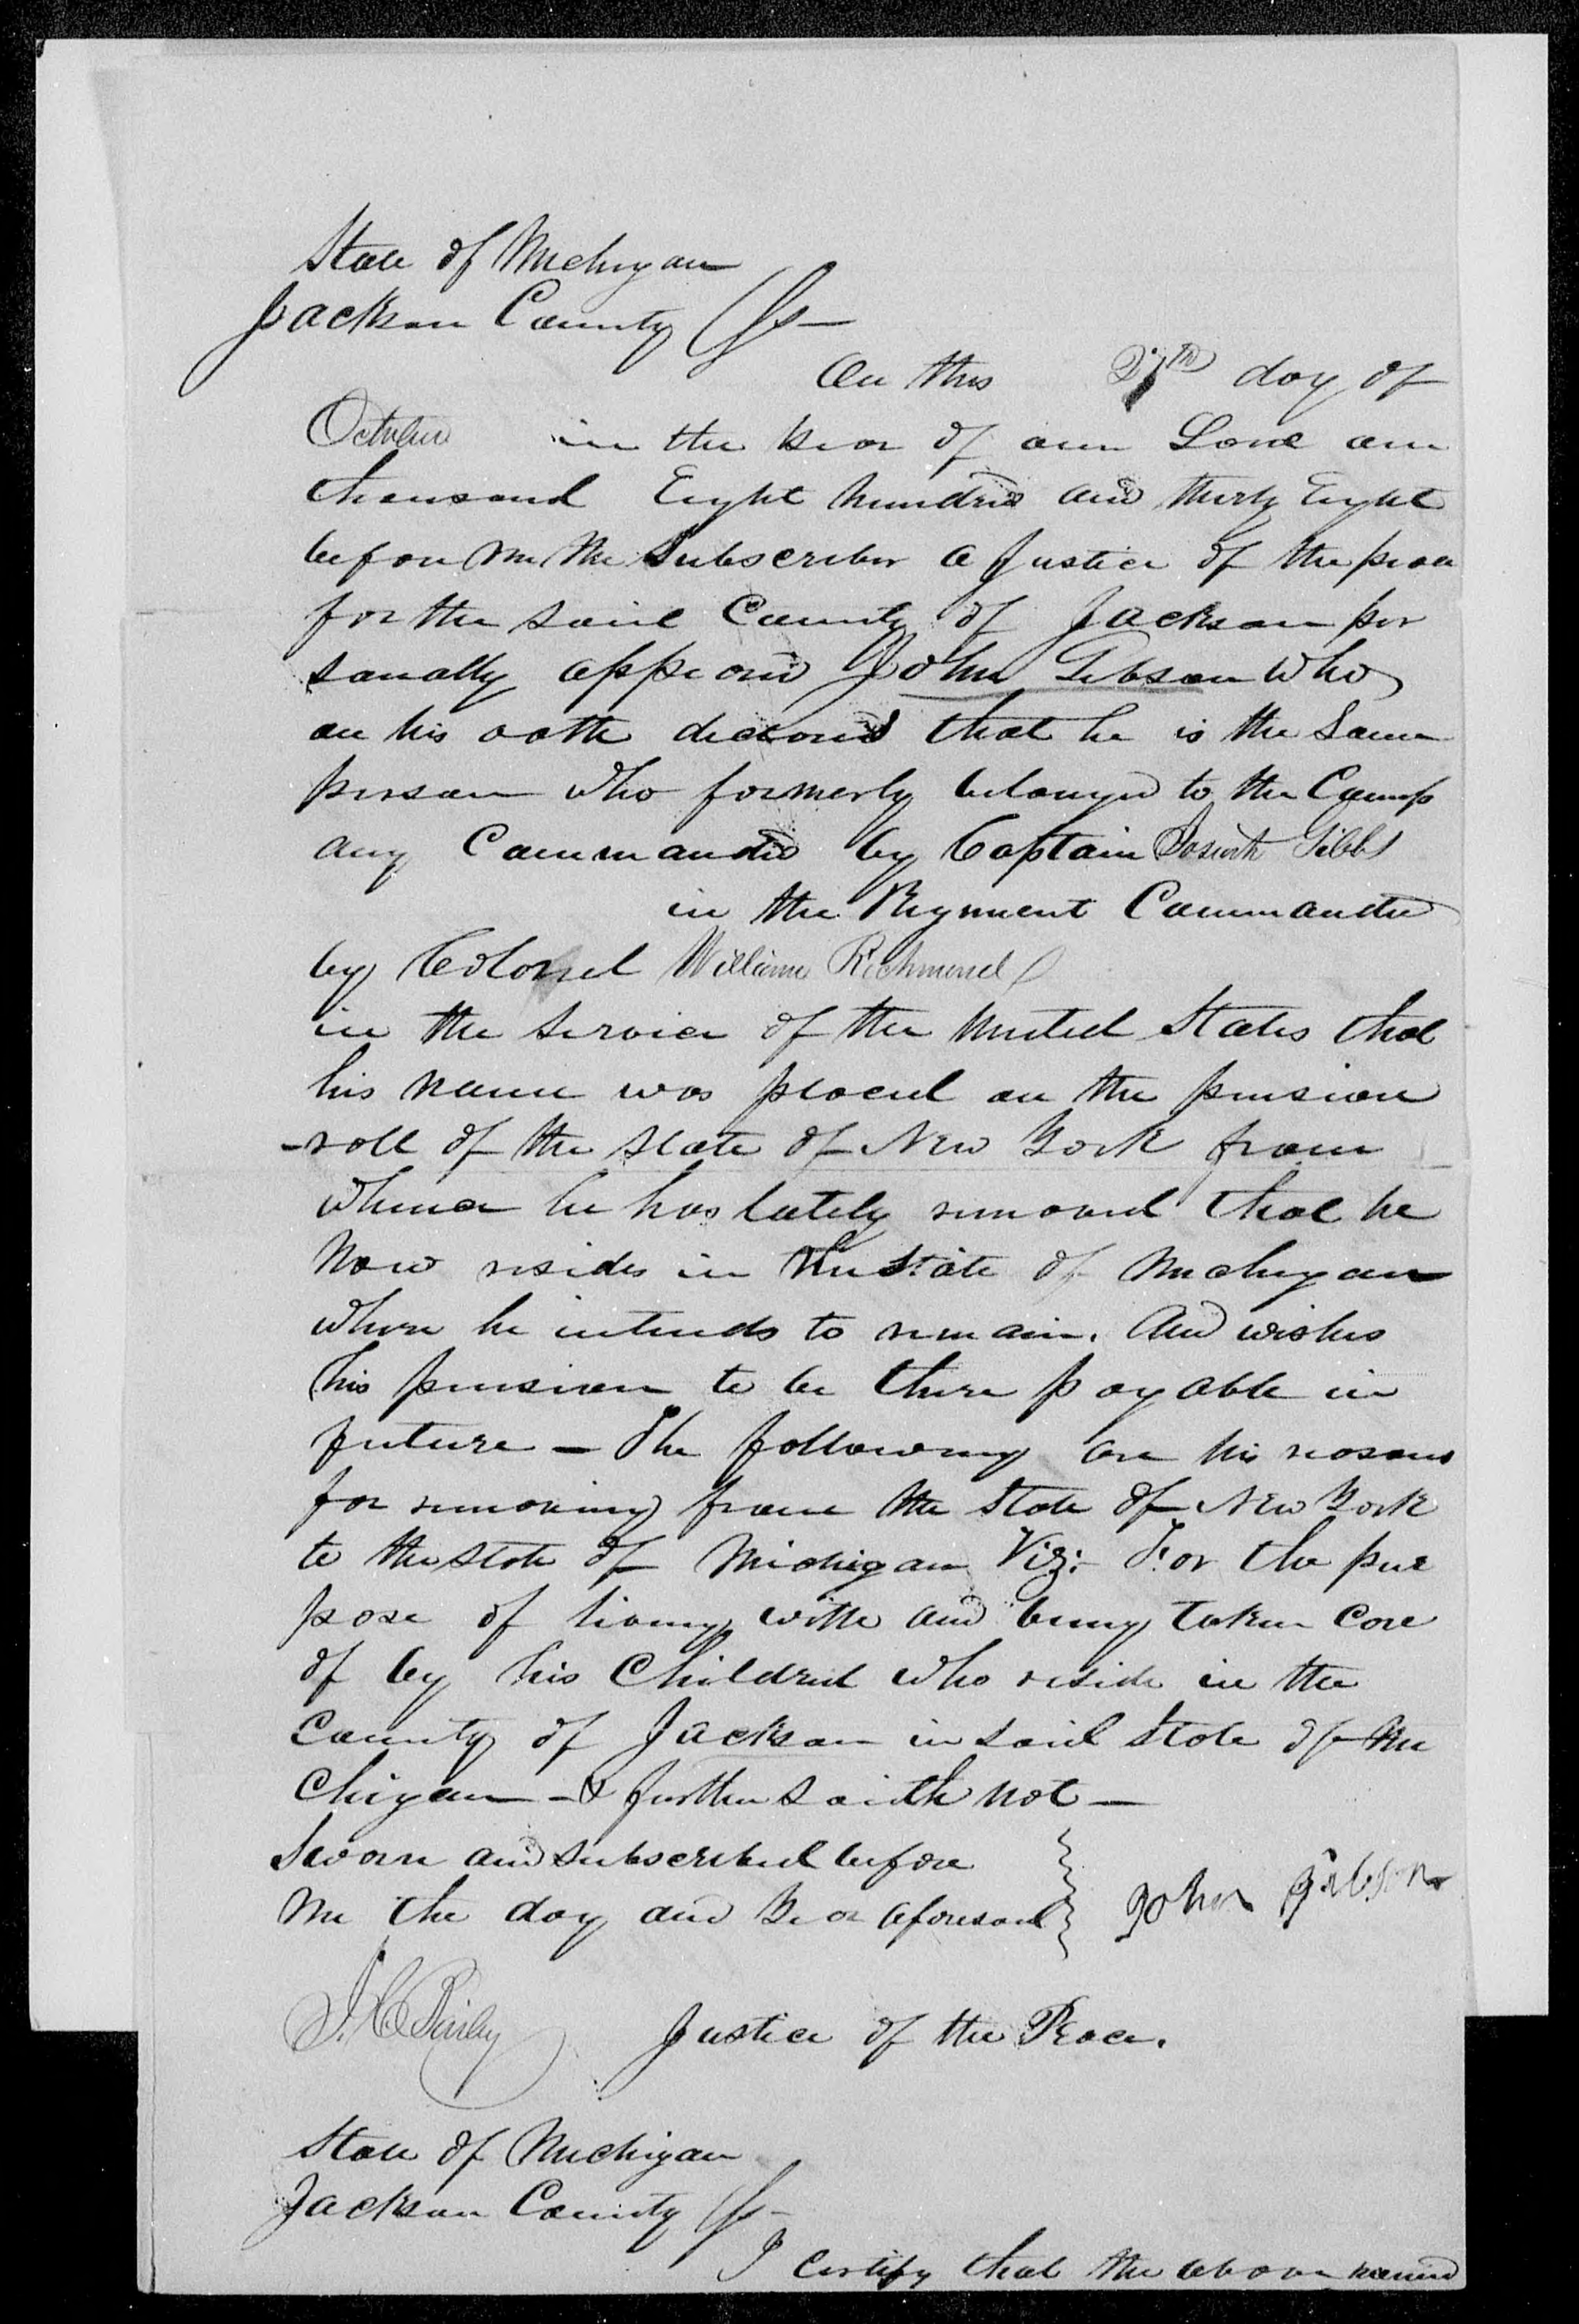State of Michigan
Jackson County ss
On this 27th day of 
October in the year of our Lord one
thousand Eight hundred and thirty Eight
before me the Subscriber a Justice of the peace
for the said County of Jackson 
personally appeared John Gibson who
on his oath declared that he is the same
person who formerly belonged to the Company 
commanded by Captain Josiah Gibbs
in the Regiment commanded
by Colonel William Richmond
in the service of the United States that
his name was placed on the pension
roll of the State of New York from
whence he has lately removed that he
now resides in the State of Michigan
where he intends to remain, and wishes
his pension to be there payable in
future. The following are his reasons
for removing from the State of New York
to the State of Michigan Viz: For the 
purpose of living with and being taken care
of by his children who reside in the
County of Jackson in said State of 
Michigan & further saith not-
Sworn and subscribed before
me the day and year aforesaid} 
John Gibson
J. C. Bailey
Justice of the Peace
State of Michigan
Jackson County Ss
I certify that the above named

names: John Gibson, Josiah Gibbs, J C Bailey, John Gibson, William Richmond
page: 3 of 32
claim: survivor's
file: S. 34899, John Gibson, R.I.